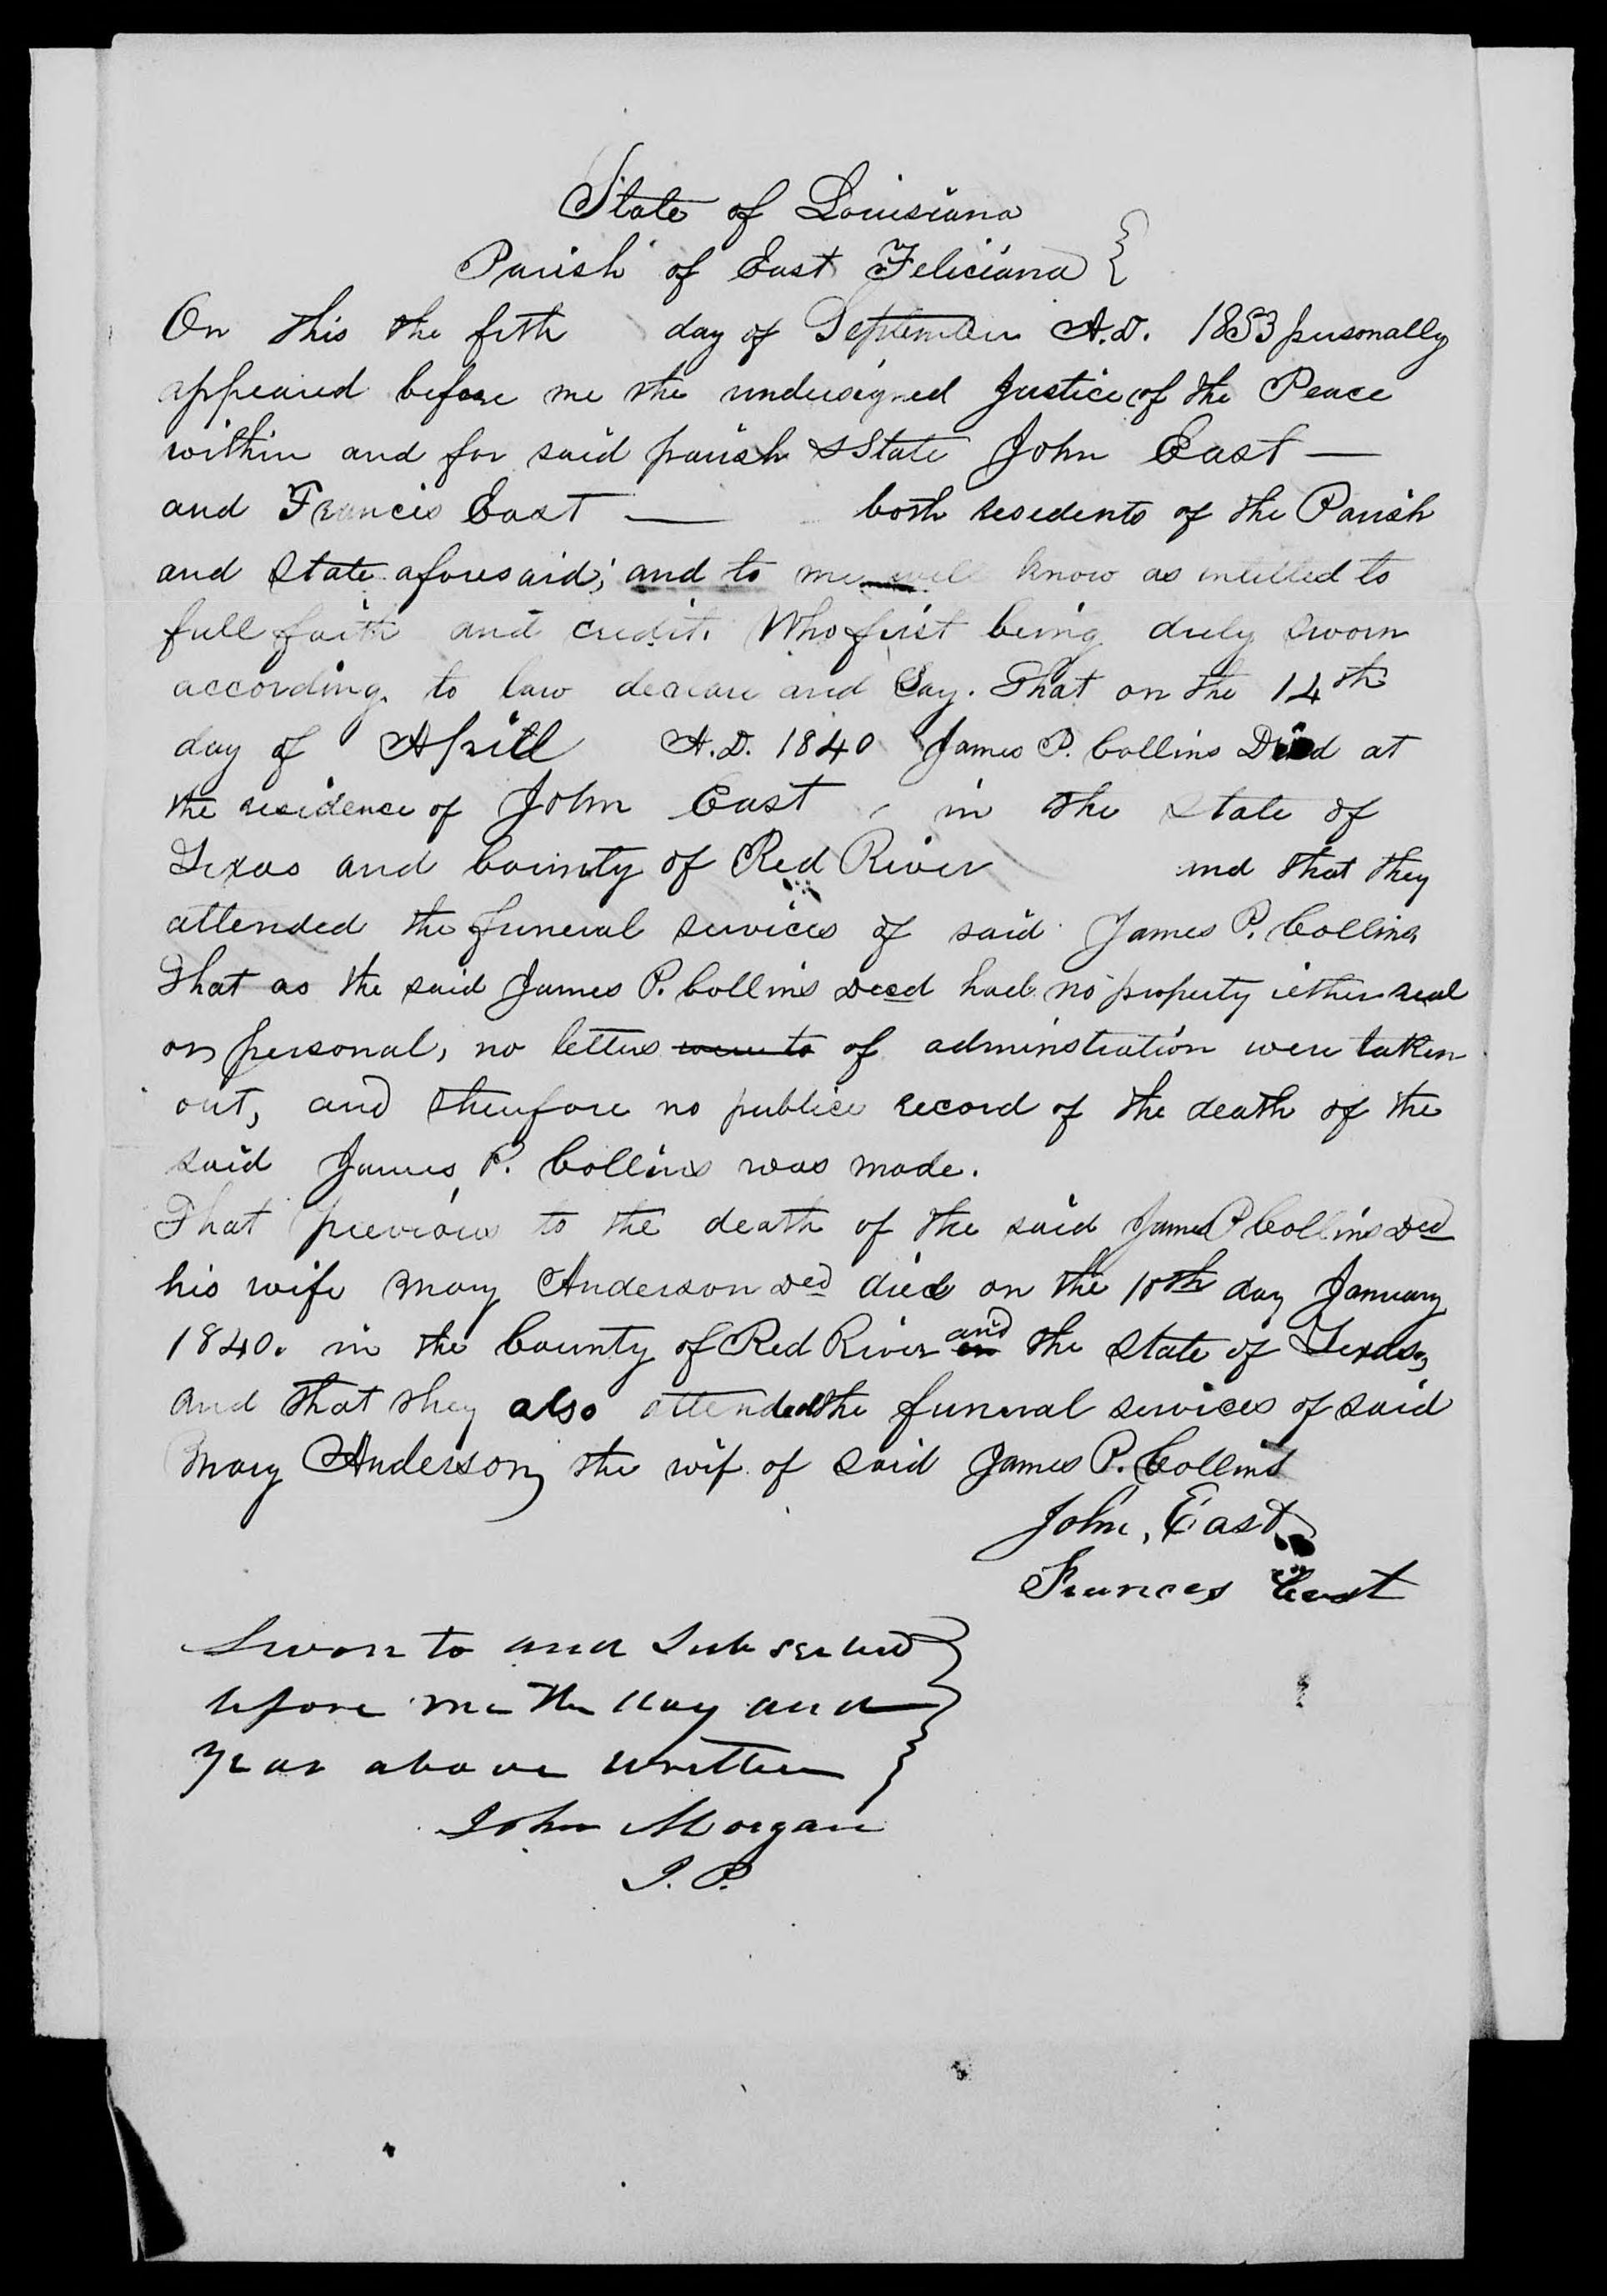State of Louisiana
Parish of East Feliciana
On this the fifth day of September A.D. 1853 personally appeared before me the undersigned Justice of the Peace within and for said parish & State John East and Francis East, both residents of the Parish and State aforesaid, and to me well know as entitled to full faith and credit. Who first being duly sworn
according to law declare and say. That on the 14th day of April A.D. 1840 James P. Collins died at the residence of John East in the County of Red River and State of Texas and that they attended the funeral services of said James P. Collins. That as the said James P. Collins Deed had no property either real
or personal, no letters of administration were taken out, and therefore no public record of the death of the
said James P. Collins was made.

That previous to the death of the said James P Collins his wife Mary Anderson died on the 18th day January
1840. in the County of Red River and the State of Texas, and that they also attended the funeral services of said Mary Anderson the wife of said James P. Collins
[signed]John East
Frances East

Sworn to and subscribed before me the day and year above written
John Morgan J.P.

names: John East, James P Collins, James P Collins, Mary Anderson, James P Collins, Francis East, John East, James P Collins, James P Collins, John Morgan, James P Collins, John East, Francis East, Mary Anderson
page: 33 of 48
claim: rejected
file: R. 2173, James P Collins, S. C.